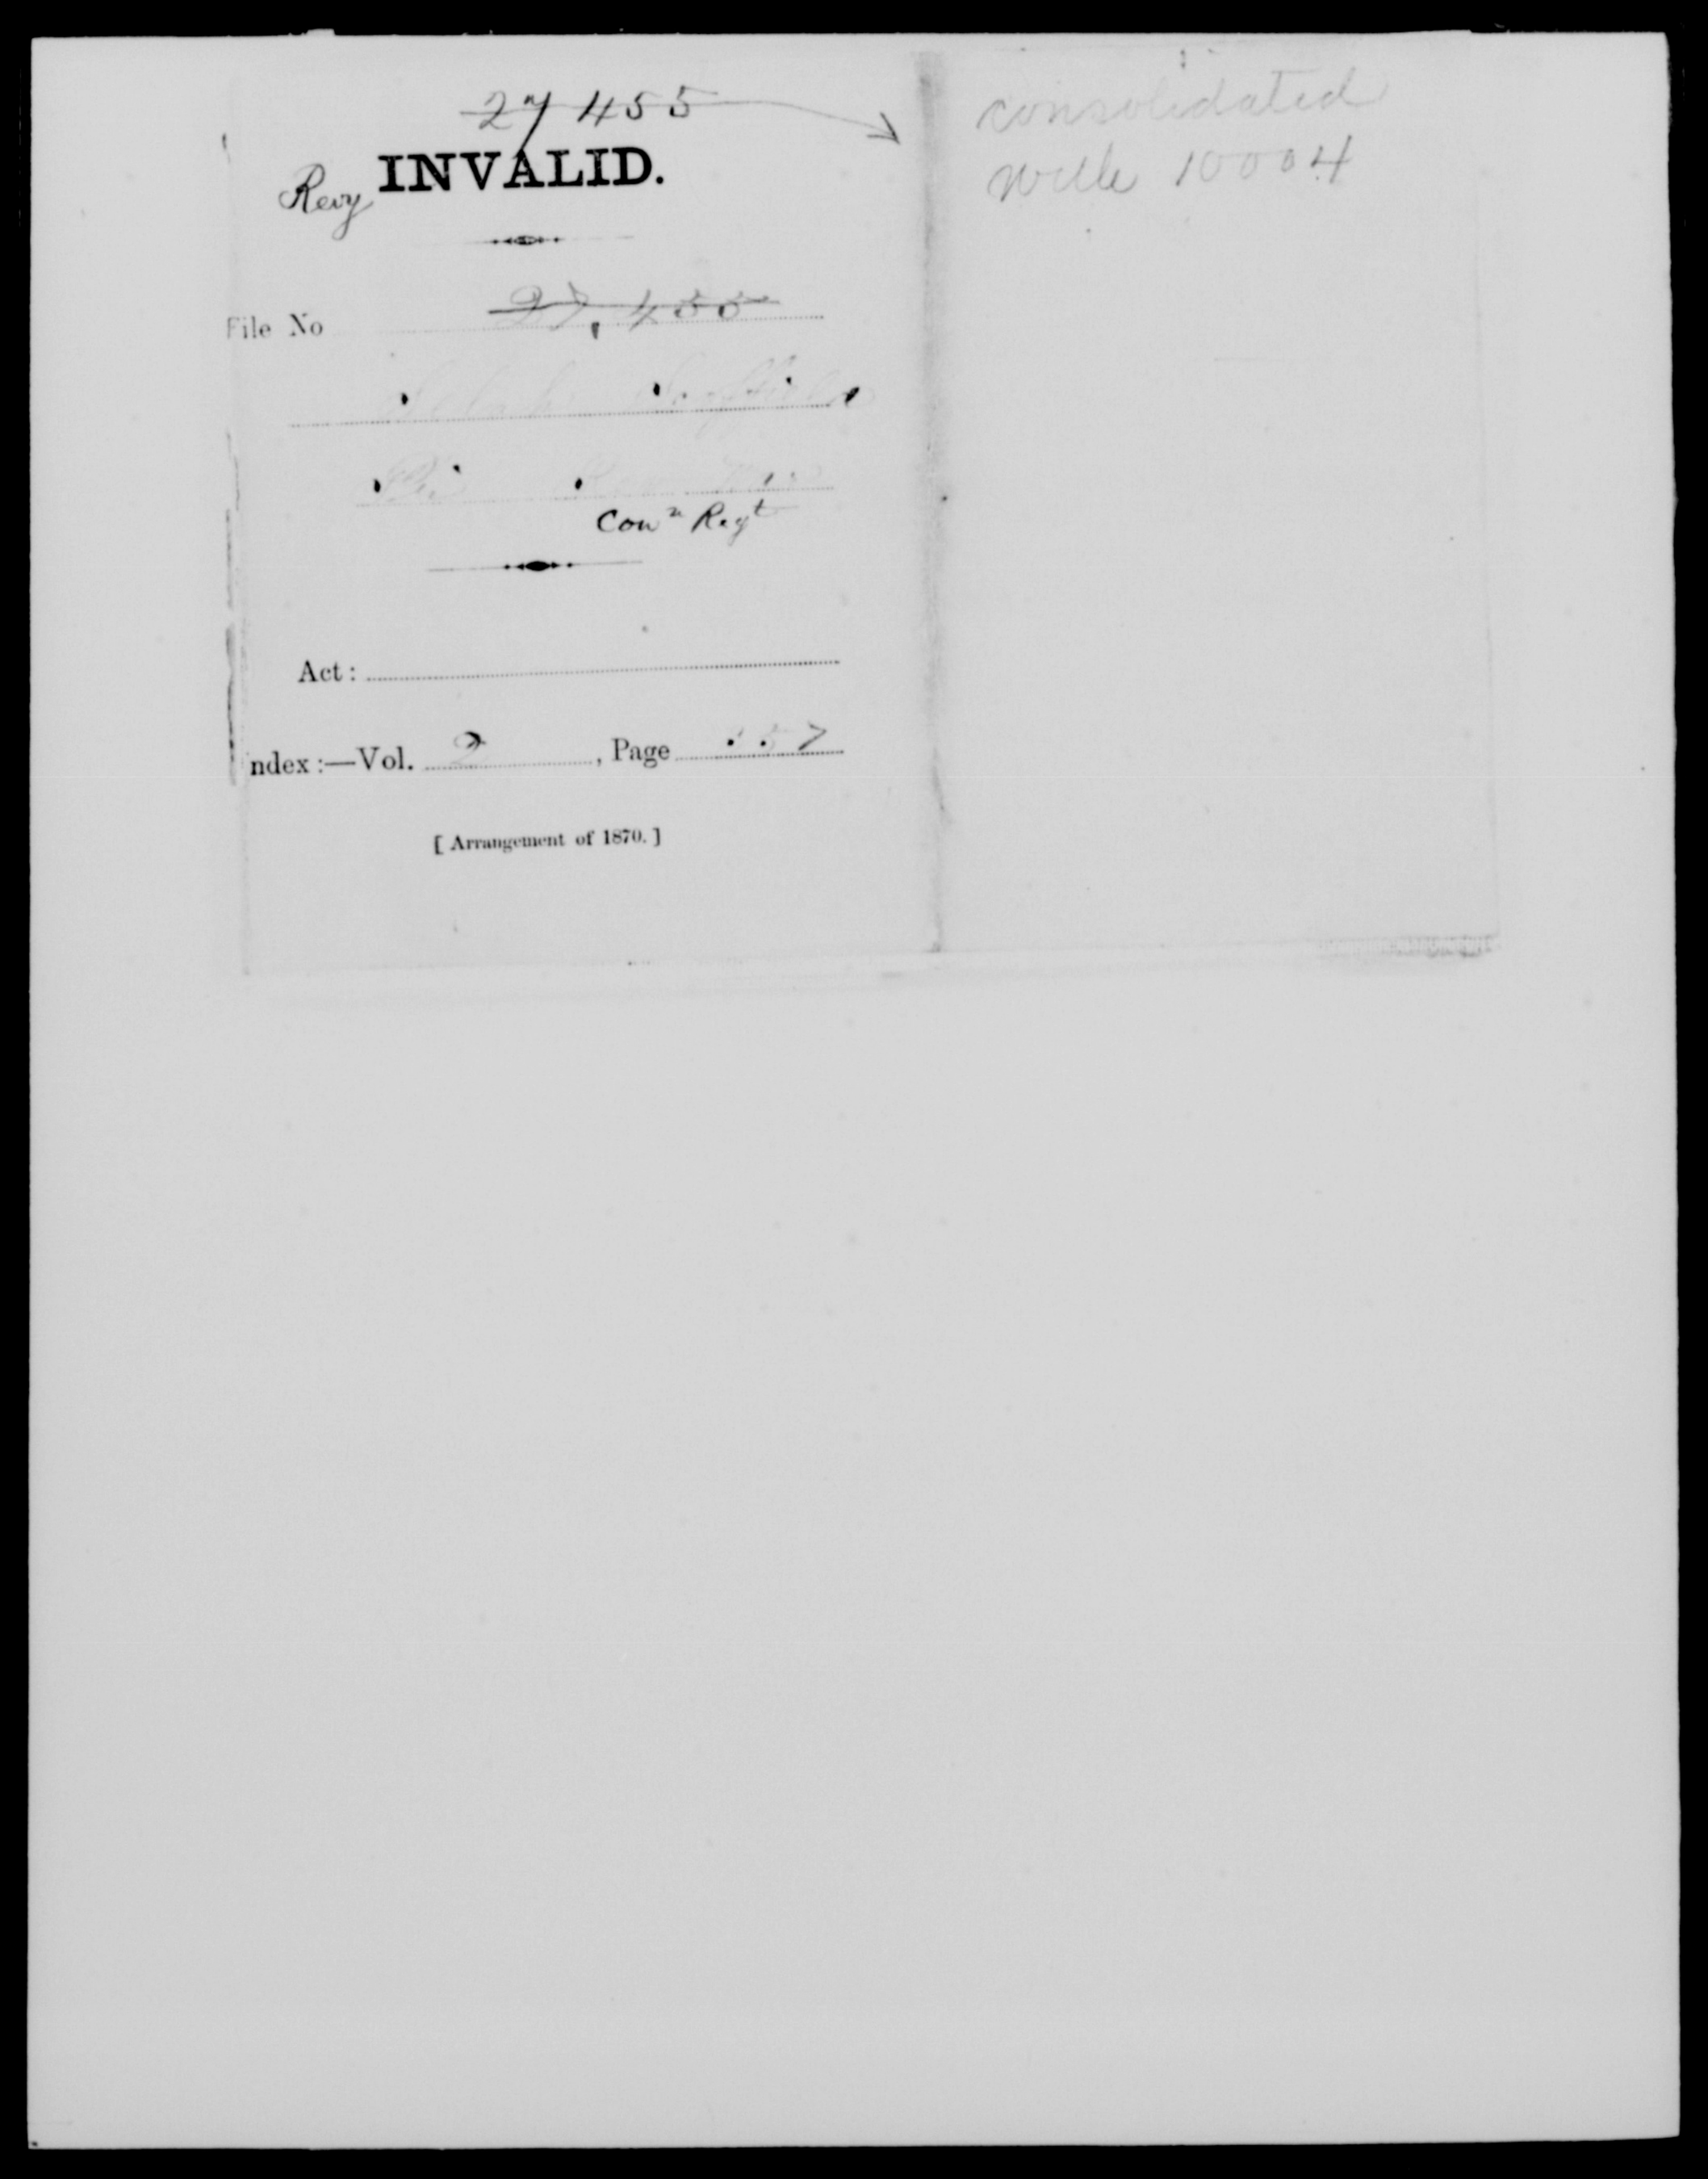27455  10004 
Revy INVALID. 
File No.  27455  10004
Selah Scofield
Pri Rev War 
Con Regt
Act: -  
Index: Vol. 2, Page 357 
[Arrangement of 1870.]
consolidated with 10004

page: 36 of 36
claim: survivor's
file: S. 10,004, for Seely Scofield, Connecticut